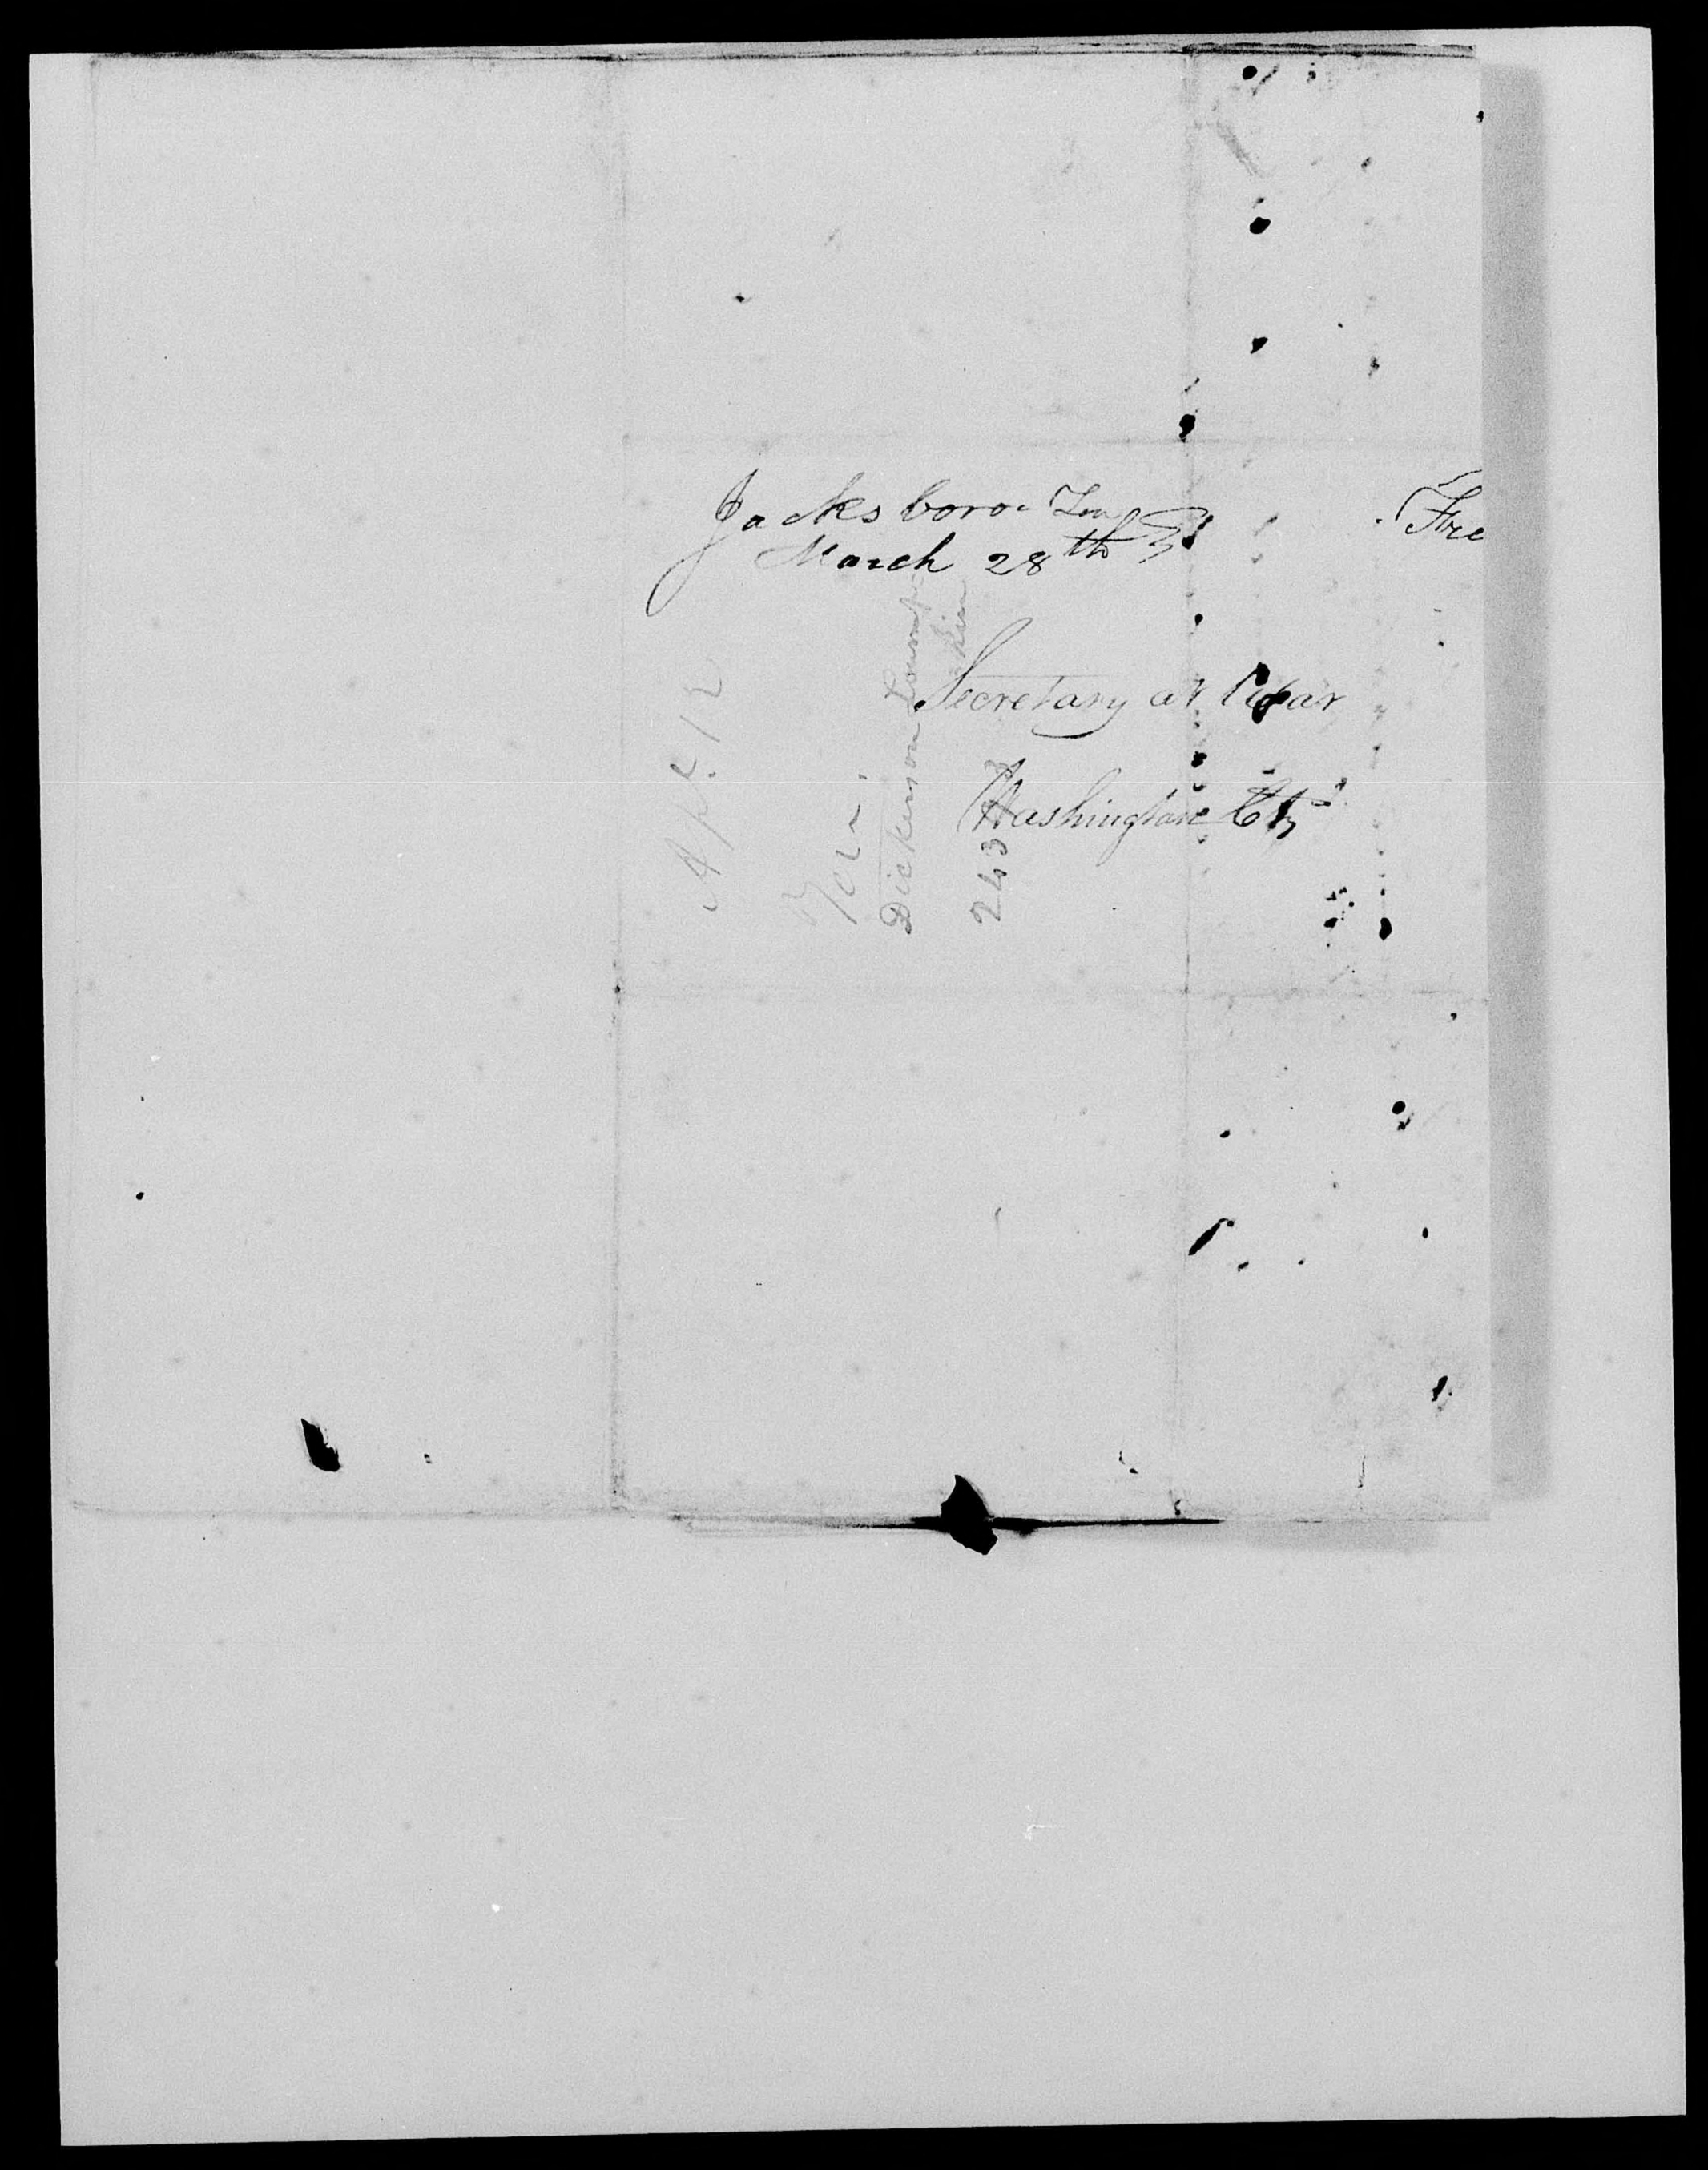(Handwritten document)

Jacksboro Ten Fre
March 28
Secretary at War
Washington City

(Faint handwriting vertically on document)

Apr. 1 (illegible)
Ten.
Dickeson Loumpkin
24393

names: Dickerson Loumpkin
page: 2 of 37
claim: rejected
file: R. 6521, for Dickeson Lumpkin, Pennsylvania